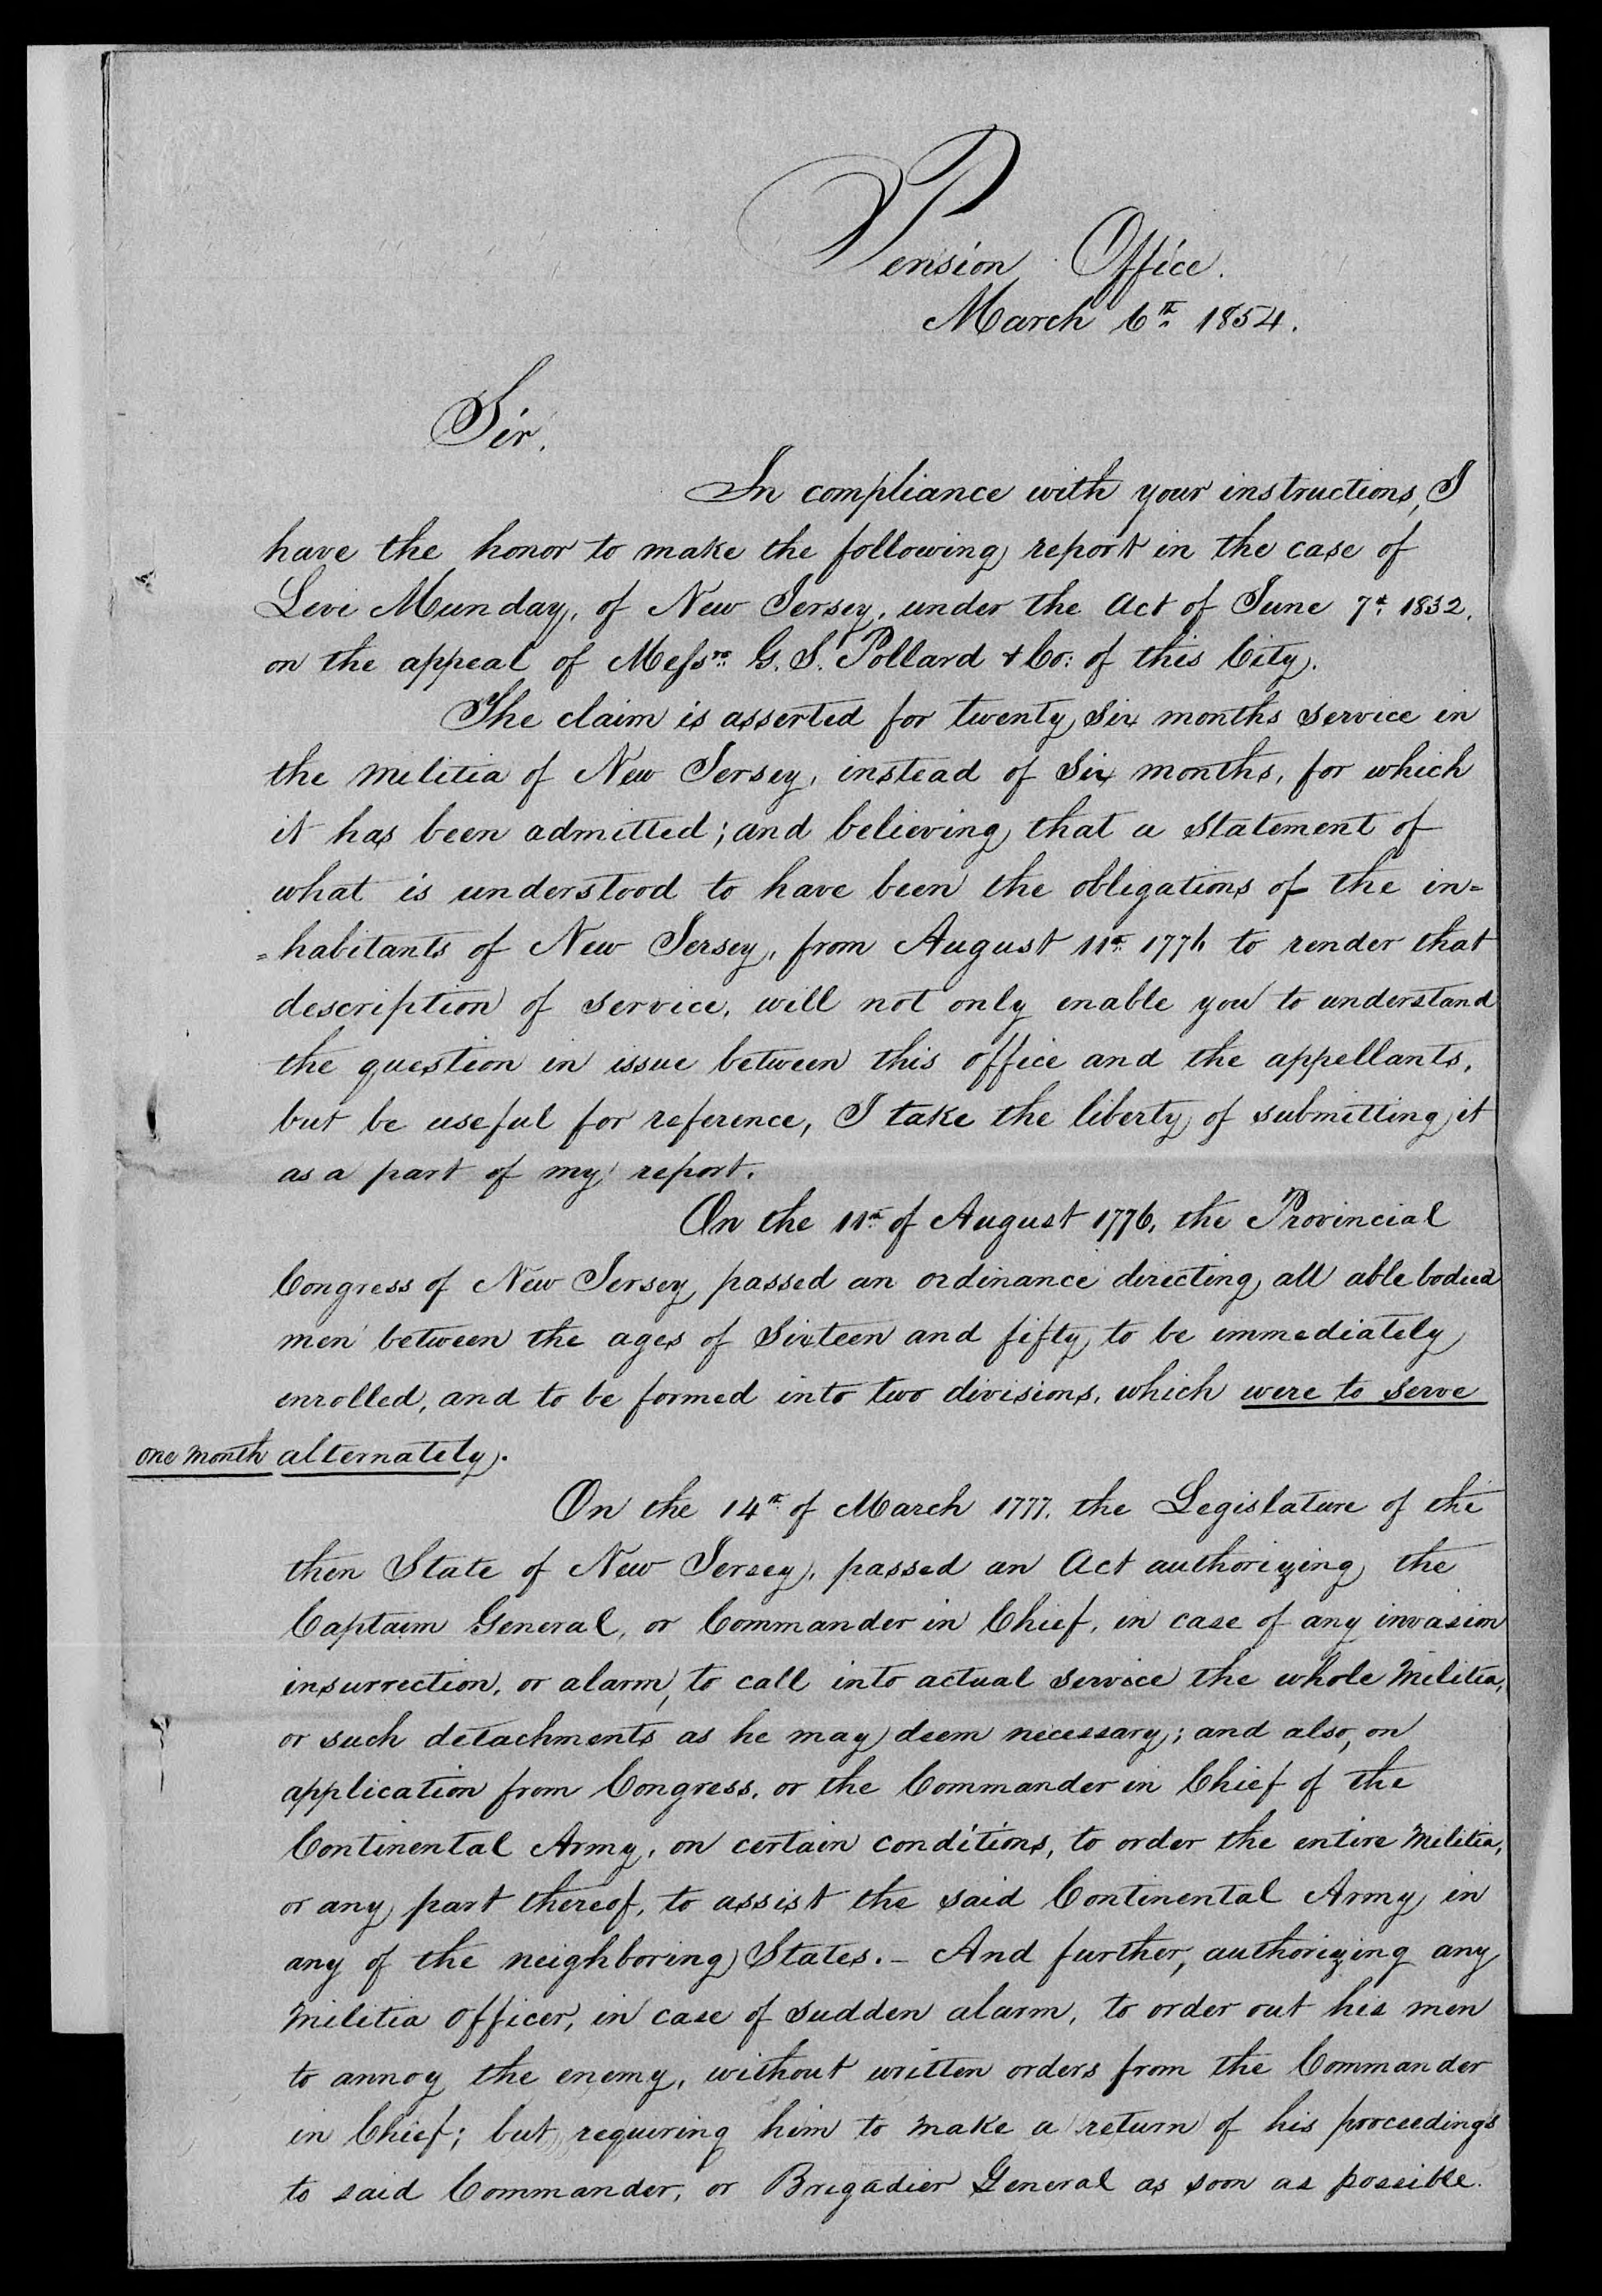Pension Office
March 6th 1854

Sir,

In compliance with your instructions, I have the honor to make the following report in the case of Levi Munday of New Jersey under the act of June 7th 1832 on the appeal of Messrs. J.S. Pollard & Co. of this City.

The claim is asserted for twenty six months service in the militia of New Jersey, instead of six months, for which it has been admitted; and believing that a statement of what is understood to have been the obligations of the inhabitants of New Jersey from August 11th 1776 to render that description of service, will not only enable you to understand the question in issue between this office and the appellants, but be useful for reference. I take the liberty of submitting it as a part of my report.

On the 11th of August 1776, the Provincial Congress of New Jersey passed an ordinance directing all able bodied men between the ages of sixteen and fifty to be immediately enrolled and to be formed into two divisions, which were to serve one month alternately.

On the 14th of March 1777, the Legislature of the then State of New Jersey passed an act authorizing the Captain General, or Commander-in-Chief, in case of any invasion, insurrection or alarm to call into actual service the whole militia or such detachments as he may deem necessary; and also, on application from Congress or the Commander-in-Chief of the Continental Army, on certain conditions, to order the entire militia, or any part thereof, to assist the said Continental Army in any of the neighboring States. And further, authorizing any militia officer, in case of sudden alarm, to order out his men to annoy the enemy, without written orders from the Commander-in-Chief; but requiring him to make a return of his proceedings to said Commander, or Brigadier General as soon as possible...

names: G S Pollard; Levi Munday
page: 28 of 95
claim: survivor's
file: S 2889, for Levi Mundy, New Jersey